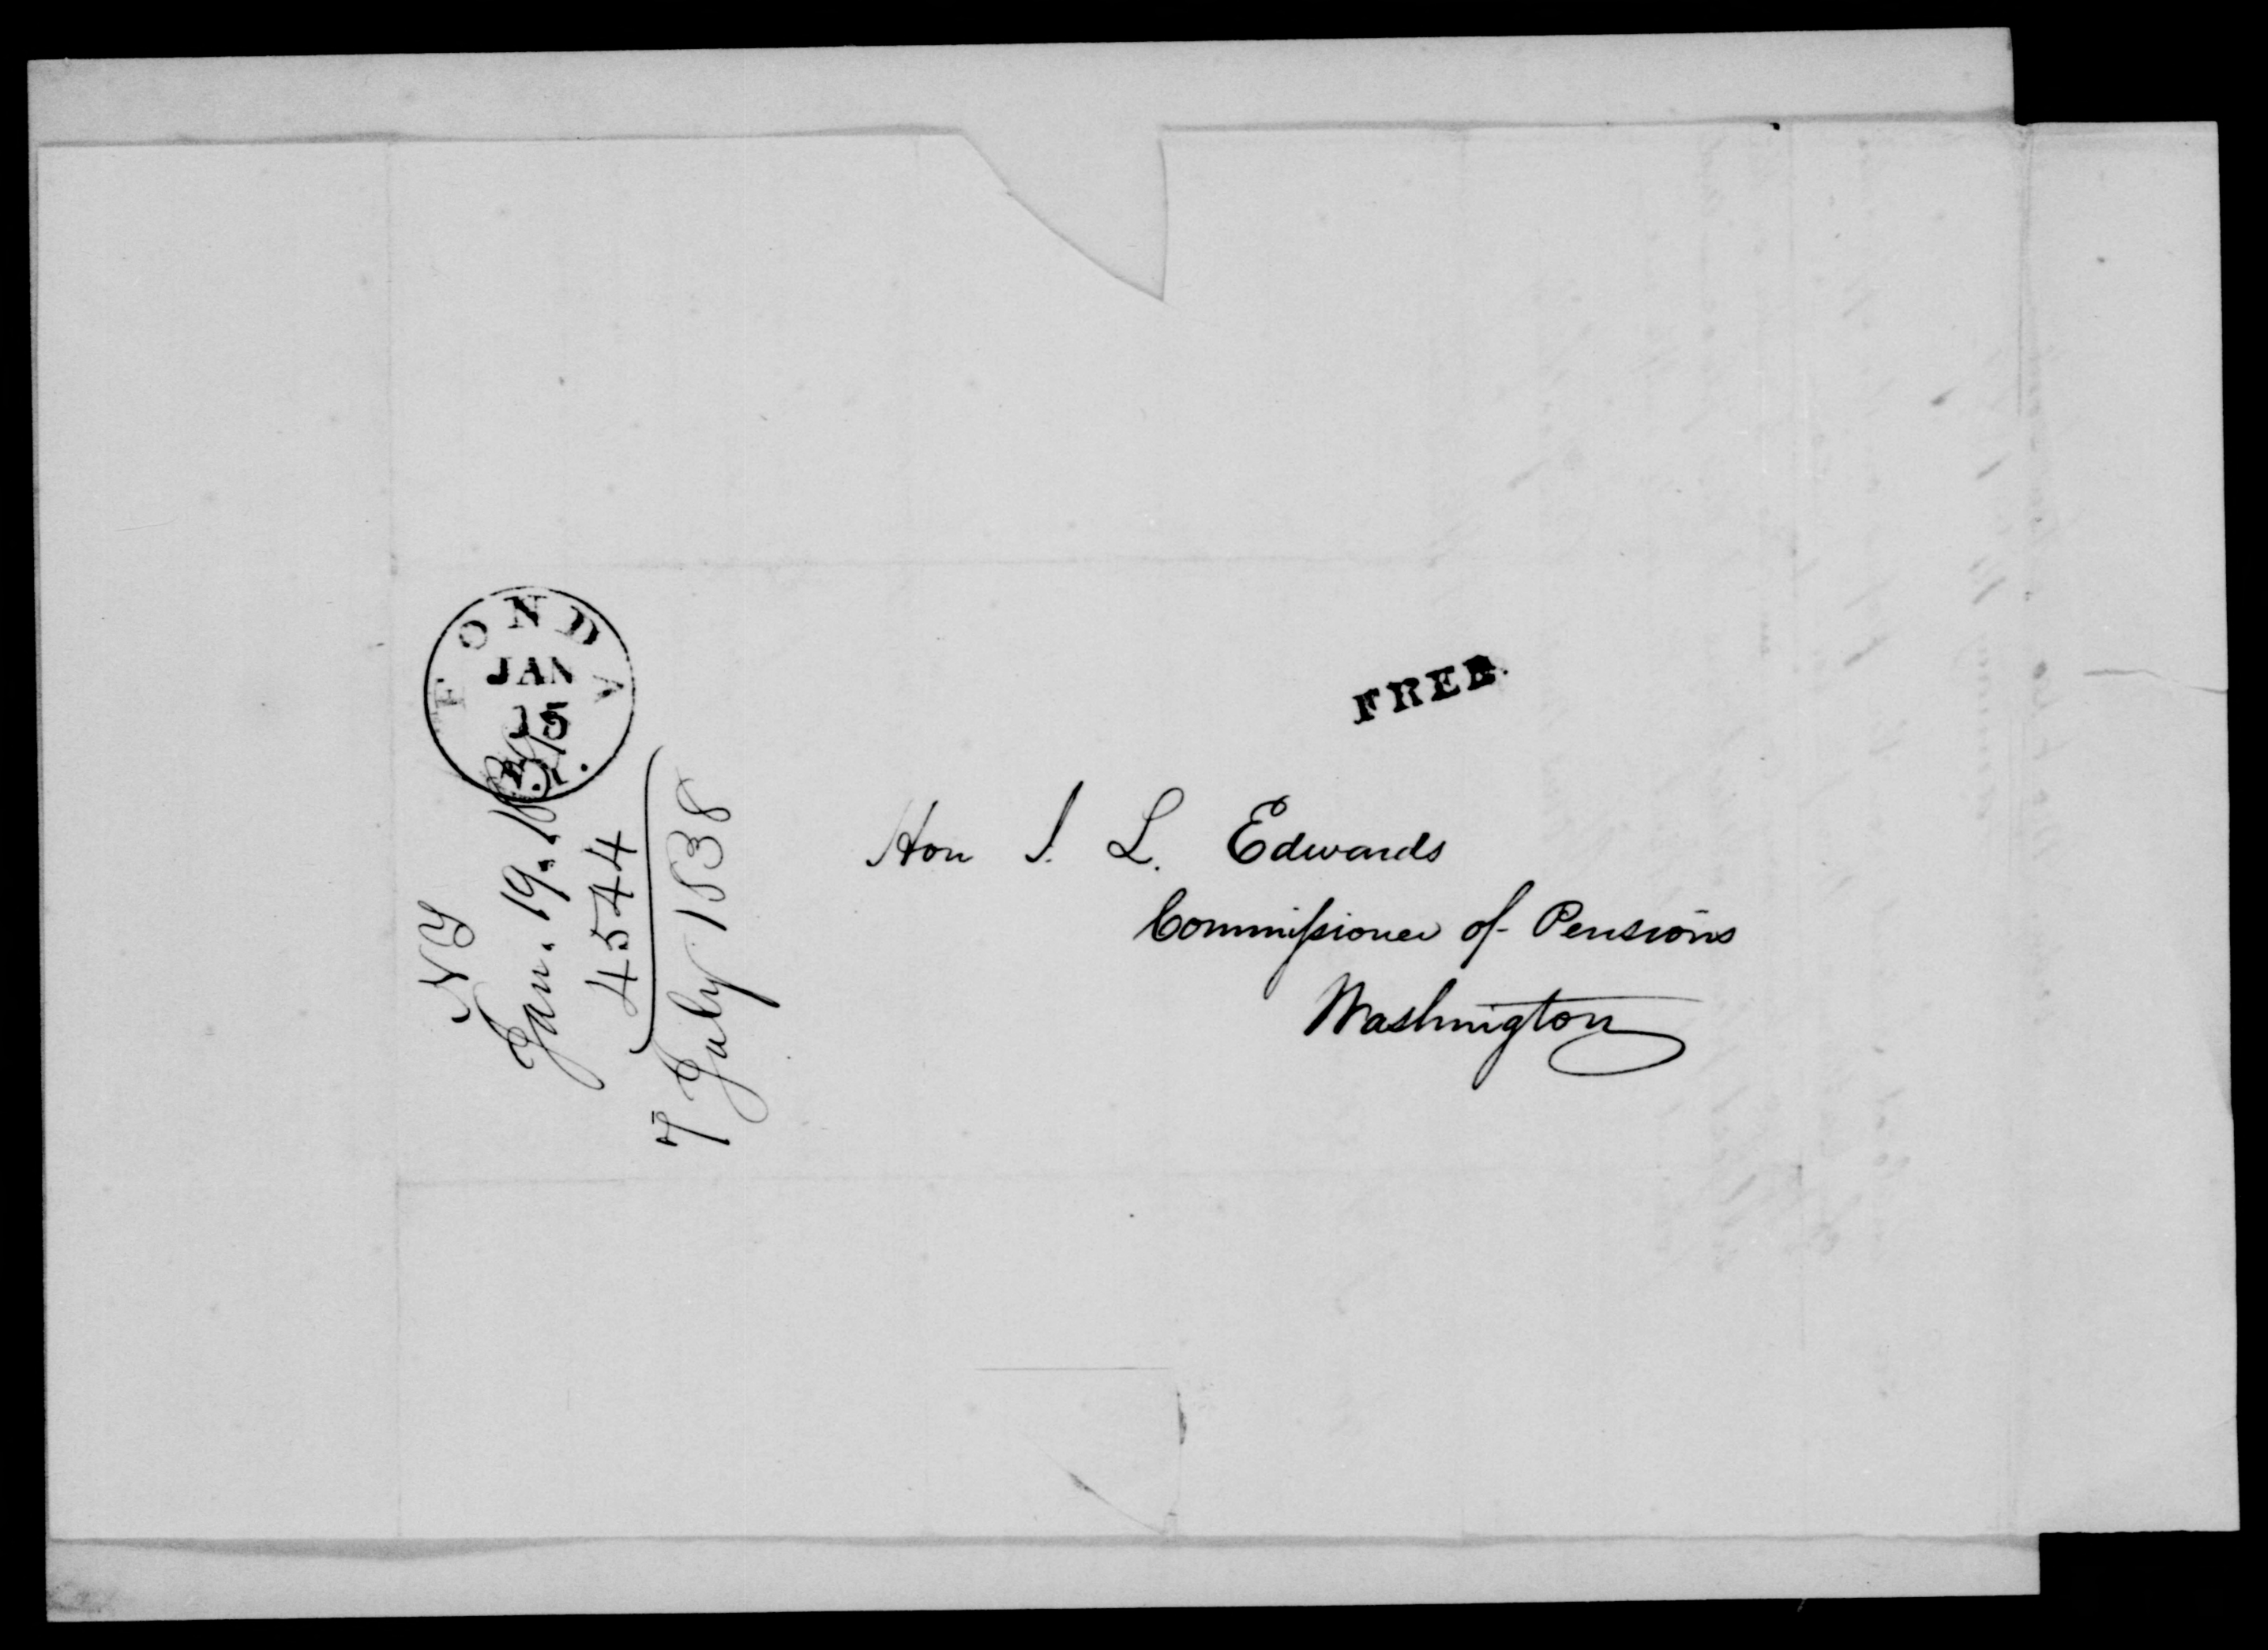(stamped) FREE
Hon J. L. Edwards
Commissioner of Pensions
Washington


(written sideways)
NY
Jan.19. 1839 (postal stamp-FONDA JAN 15 N.Y.)
4544
_____
7 July 1838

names: J L Edwards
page: 50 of 51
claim: widow's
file: W. 19604, Myndert B Wemple, New York